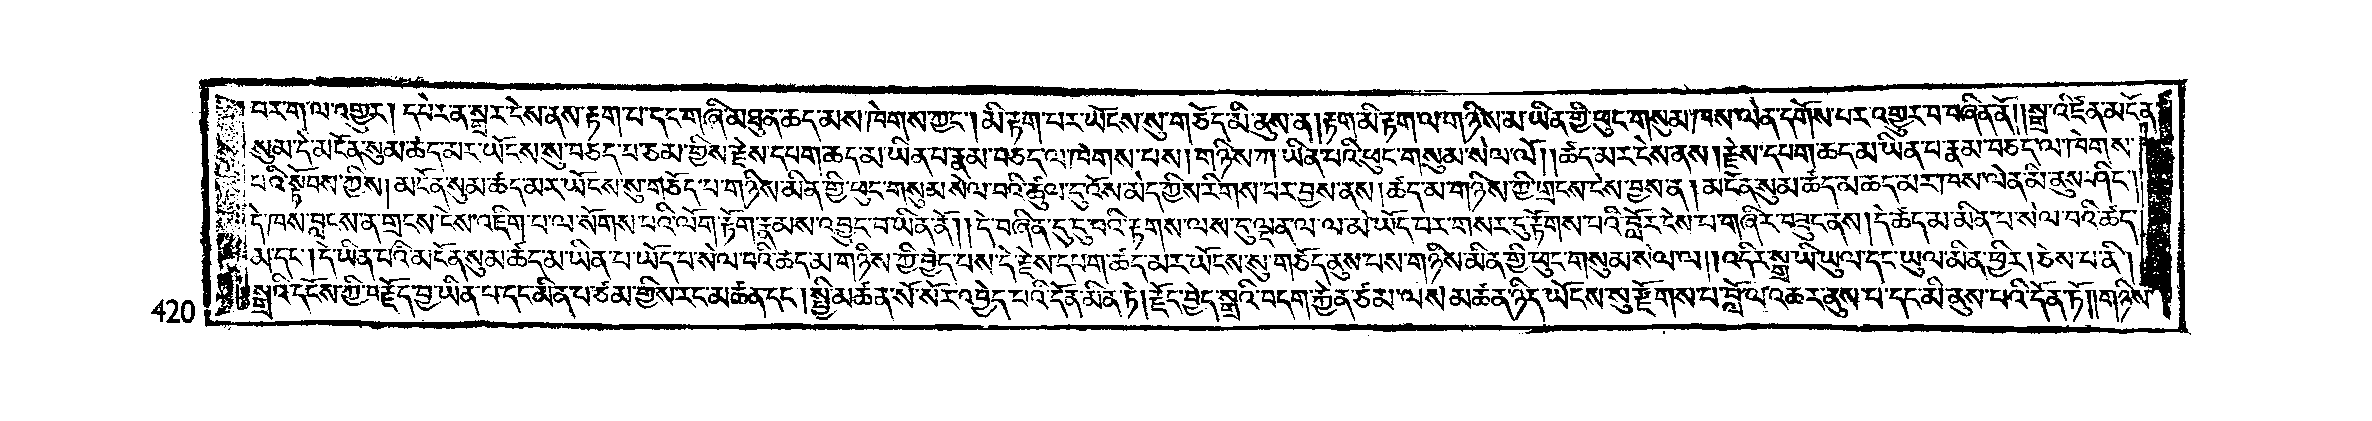པར་ག་ལ་འགྱུར། དཔེར་ན་སྒྲར་ངེས་ནས་རྟག་པ་དང་གཞི་མཐུན་ཆད་མས་ཁེགས་ཀྱང་། མི་རྟག་པར་ཡོངས་སུ་གཅོད་མི་ནུས་ན། རྟག་མི་རྟག་ལ་གཉིས་མ་ཡིན་གྱི་ཕུང་གསུམ་ཁས་ལེན་དགོས་པར་འགྱུར་བ་བཞིན་ནོ། །སྒྲ་འཛིན་མངོན་
སུམ་དེ་མངོན་སུམ་ཚད་མར་ཡོངས་སུ་བཅད་པ་ཙམ་གྱིས་རྗེས་དཔག་ཚད་མ་ཡིན་པ་རྣམ་བཅད་ལ་ཁེགས་པས། གཉིས་ཀ་ཡིན་པའི་ཕུང་གསུམ་སེལ་ལོ། །ཚད་མར་ངེས་ནས། རྗེས་དཔག་ཚད་མ་ཡིན་པ་རྣམ་བཅད་ལ་ཁེགས་
པའི་སྟོབས་ཀྱིས། མངོན་སུམ་ཚད་མར་ཡོངས་སུ་གཅོད་པ་གཉིས་མིན་གྱི་ཕུང་གསུམ་སེལ་བའི་ཚུལ་དུ་འོས་མེད་ཀྱིས་རིགས་པར་བྱས་ནས། ཚད་མ་གཉིས་ཀྱི་གྲངས་ངེས་བྱས་ན། མངོན་སུམ་ཚད་མ་ཆད་མར་ཁས་ལེན་མི་ནུས་ཤིང་།
དེ་ཁས་བླངས་ན་གྲངས་ངེས་འཇིག་པ་ལ་སོགས་པའི་ལོག་རྟོག་རྣམས་འབྱུང་བ་ཡིན་ནོ། །དེ་བཞིན་དུ་དུ་བའི་རྟགས་ལས་དུ་ལྡན་ལ་ལ་མེ་ཡོད་པར་གསར་དུ་རྟོགས་པའི་བློར་ངེས་པ་གཞིར་བཟུང་ནས། དེ་ཚད་མ་མིན་པ་སེལ་བའི་ཚད་
མ་དང་། དེ་ཡིན་པའི་མངོན་སུམ་ཚད་མ་ཡིན་པ་ཡོད་པ་སེལ་བའི་ཚད་མ་གཉིས་ཀྱི་བྱེད་པས་དེ་རྗེས་དཔག་ཚད་མར་ཡོངས་སུ་གཅོད་ནུས་པས་གཉིས་མིན་གྱི་ཕུང་གསུམ་སེལ་ལ། །འདིར་སྒྲ་ཡི་ཡུལ་དང་ཡུལ་མིན་ཕྱིར། ཅེས་པ་ནི།
སྒྲའི་དངོས་ཀྱི་བརྗོད་བྱ་ཡིན་པ་དང་མིན་པ་ཙམ་གྱིས་རང་མཚན་དང་། སྤྱི་མཚན་སོ་སོར་འབྱེད་པའི་དོན་མིན་ཏེ། རྗོད་བྱེད་སྒྲའི་བདག་རྐྱེན་ཙམ་ལས་མཚན་ཉིད་ཡོངས་སུ་རྫོགས་པ་བློ་ལ་འཚར་ནུས་པ་དང་མི་ནུས་པའི་དོན་ཏོ། །གཉིས་